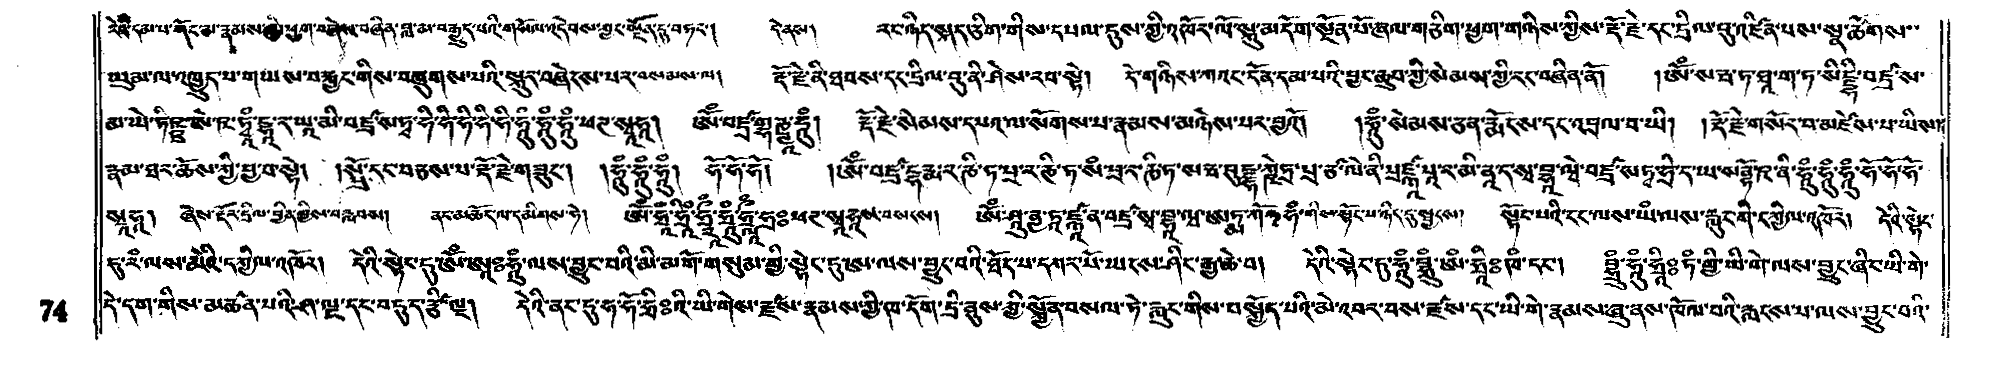རེའི་དམ་པ་གོང་མ་རྣམས་ཀྱི་ཕྱག་བཞེས་བཞིན་བླ་མ་བརྒྱུད་པའི་གསོལ་འདེབས་ཀྱང་སྔོན་དུ་བཏང་། དེ་ནས། རང་ཉིད་སྐད་ཅིག་གིས་དཔལ་དུས་ཀྱི་འཁོར་ལོ་སྐུ་མདོག་སྔོན་པོ་ཞལ་གཅིག་ཕྱག་གཉིས་ཀྱིས་རྡོ་རྗེ་དང་དྲིལ་བུ་འཛིན་པས་སྣ་ཚོགས་
ཡུམ་ལ་འཁྱུད་པ་གཡས་བརྐྱང་གིས་བཞུགས་པའི་སྐུར་བཞེངས་པར་བསམས་ལ།  རྡོ་རྗེ་ནི་ཐབས་དང་དྲིལ་བུ་ནི་ཤེས་རབ་སྟེ། དེ་གཉིས་ཀའང་དོན་དམ་པའི་བྱང་ཆུབ་ཀྱི་སེམས་ཀྱི་རང་བཞིན་ནོ། །ཨོཾ་སརྦ་ཏ་ཐཱ་ག་ཏ་སིདྡྷི་བཛྲ་ས་
མ་ཡེ་ཏིཥཊཿཨ་ཨེ་ཥ་ཏྭཱཾ་དྷཱ་ར་ཡཱ་མི་བཛྲ་སཏྭ་ཧི་ཧི་ཧི་ཧི་ཧི་ཧཱུཾ་ཧཱུཾ་ཧཱུཾ་ཕཊ་སྭཱཧཱ། ཨོཾ་བཛྲ་བྷཎྜཱ་ཧཱུཾ། རྡོ་རྗེ་སེམས་དཔའ་ལ་སོགས་པ་རྣམས་ལྙེས་པར་བྱའོ། །ཧཱུཾ་སེམས་ཅན་རྨོངས་དང་འབྲལ་བ་ཡི། །རྡོ་རྗེ་གསོར་བ་མཛེས་པ་ཡིས།
རྣམ་ཐར་ཆོས་ཀྱི་བྱ་བ་སྟེ། །སྲྲོ་དང་བཅས་པ་རྡོ་རྗེ་གཟུང་། །ཧཱུཾ་ཧཱུཾ་ཧཱུཾ། ཧོ་ཧོ་ཧོ། །ཨོཾ་བཛྲ་དྷརྨ་ར་ཎི་ཏ་པྲ་ར་ཎི་ཏ་སཾ་པྲ་ར་ཎི་ཏ་སརྦ་བུདྡྷ་ཀྵེཏྲ་པྲ་ཙ་ལེ་ནི་པྲཛྙཱ་པཱ་ར་མི་ནཱ་ད་སྭཱ་བྷཱ་ལྭེ་བཛྲ་སཏྭ་ཧྲི་ད་ཡ་སནྟོ་ཥ་ནི་ཧཱུཾ་ཧཱུཾ་ཧཱུཾ་ཧོ་ཧོ་ཧོ་
སྭཱཧཱ། ཞེས་རྡོར་དྲིལ་བྱིན་གྱིས་བརླབས། ནང་མཆོད་ལ་དམིགས་ཏེ།  ཨོཾ་ཧྲཱཾ་ཧྲཱིཾ་ཧྲཱྀཾ་ཧྲཱུཾ་ཧྲླཱྀཾ་ཧྲཿ ཕཊ་སྭཱཧཱས་བསངས།  ཨོཾ་ཤཱུ་ནྱ་ཏཱ་ཛྙཱ་ན་བཛྲ་སྭ་བྷཱ་ཝ་ཨཏྨ་ཀོཉཧཾ་གིས་སྟོང་པ་ཉིད་དུ་སྦྱངས།  སྟོང་པའི་གནང་ལས་ཡཾ་ལས་རླུང་གི་དཀྱིལ་འཁོར། དེའི་སྟེང་
དུ་རཾ་ལས་མེའི་དཀྱིལ་འཁོར། དེའི་སྟེང་དུ་ཨོཾ་ཨཱཿ ཧཱུཾ་ལས་བྱུང་བའི་མི་མགོ་གསུམ་གྱི་སྟེང་དུ་ཨ་ལས་བྱུང་བའི་ཐོད་པ་དཀར་པོ་ཡངས་ཤིང་རྒྱ་ཆེ་བ། དེའི་སྟེང་དུ་ཧཱུཾ་བྷྲུཾ་ཨཾ་ཧྲཱིཿ ཁཾ་དང་། བྷྲཱུཾ་ཧཱུཾ་ཧྲཱིཿ ཏཾ་གྱི་ཡི་གེ་ལས་བྱུང་ཞིང་ཡི་གེ་
དེ་དག་གིས་མཚན་པའི་ཤ་ལྔ་དང་བདུད་རྩི་ལྔ། དེའི་ནང་དུ་ཧ་ཧོ་ཧྲིཿ འི་ཡི་གེས་རྫས་རྣམས་ཀྱི་ཁ་དོག་དྲི་ནུས་ཀྱི་སྐྱོན་བསལ་ཏེ་རླུང་གིས་བསྐྱོད་པའི་མེ་འབར་བས་རྫས་དང་ཡི་གེ་རྣམས་ཞུ་ནས་ཁོལ་བའི་རླངས་པ་ལས་བྱུང་བའི་